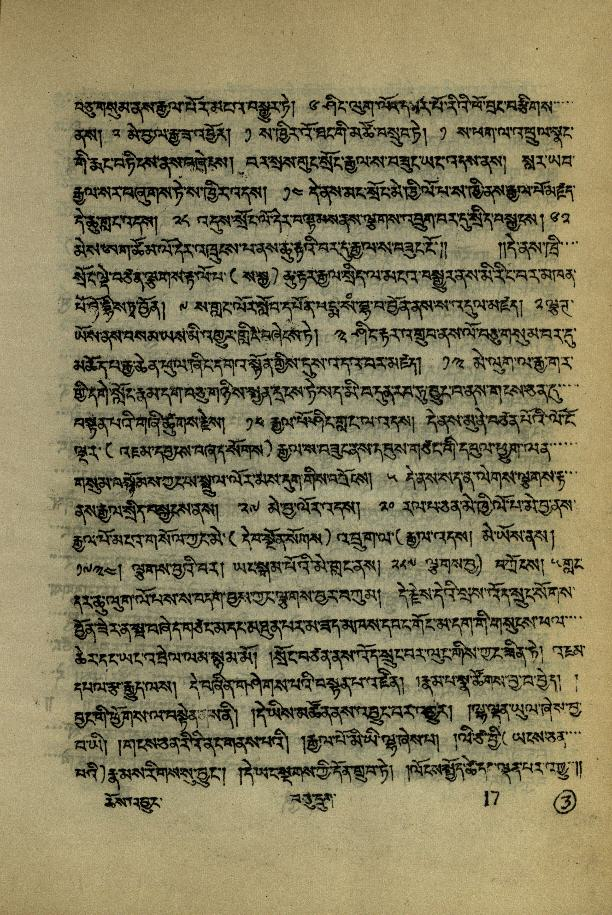བཅུ་གསུམ་ནས་རྒྱལ་པོར་མངའ་བསྒྱུར་ཏེ། ༦་ཤིང་ལུག་ལོར་དམར་པོ་རིའི་ཕོ་བྲང་བརྩིགས་
ནས། ༢་མེ་བྱ་ལ་རྒྱ་ཟ་འབྱོར། ༡་ས་ཁྱིར་འོ་ཐང་གི་མཚོ་བསྲུབ་ཏེ། ༡་ས་ཕག་ལ་འཕྲུལ་སྣང་
གི་རྨང་བཏིངས་ནས་བཞེངས། བར་སྲས་གུང་སྲོང་རྒྱལ་ས་བཟུང་ཡང་འདས་ནས། སླར་ཡབ་
རྒྱལ་སར་བཞུགས་ཏེ་ས་ཁྱིར་འདས། ༡༤་དེ་ནས་མང་སྲོང་མེ་ཁྱི་ལོ་པ་ས་ཁྱི་ནས་རྒྱལ་པོ་མཛད་
དེ་ཆུ་གླང་འདས། ༢༨་འདུས་སྲོང་ལོ་དེར་བལྟམས་ནས་ལྕགས་འབྲུག་བར་དུ་སྲིད་བསྐྱངས། ༦༢
མེས་ཨག་ཚོམ་ལོ་དེར་འཁྲུངས་པ་ནས་ཆུ་རྟའི་བར་དུ་རྒྱལ་ས་བཟུང་ངོ།། །།དེ་ནས་ཁྲི་
སྲོང་ལྡེ་བཙན་ལྕགས་རྟ་ལོ་པ་ས་སྐྱ་ཆུ་རྟར་རྒྱལ་སྲིད་ལ་མངའ་བསྒྱུར་ནས་མི་རིང་བར་མཁན་
པོ་བྷོ་དྷི་སཏྭ་བྱོན། ༧་ས་གླང་ལོར་སློབ་དཔོན་པདམ་སཾ་བྷ་བ་བྱོན་ནས་ས་འདུལ་མཛད། ༢་ལྕཊ་
ཡོས་ནས་བསམ་ཡས་མི་འགྱུར་གླིང་བཞེངས་ཏེ། ༣་ཤིང་རྟར་འགྲུབ་ནས་ལོ་བཅུ་གསུམ་བར་དུ་
མཆོད་པ་རྒྱ་ཆེན་ཕུལ་ཞིང་དགའ་སྟོན་གྱིས་དུས་འདའ་བར་མཛད། ༡༣་མེ་ལུག་ལ་རྒྱ་གར་
གྱི་དགེ་སློང་རྣམ་དག་བཅུ་གཉིས་སྤྱན་དྲངས་ཏེ་སད་མི་བདུན་རབ་ཏུ་བྱུང་བ་ནས་གངས་ཅན་དུ་
བསྟན་པའི་གཞི་ཚུགས་རྗེས། ༡༥་རྒྱལ་པོ་ཤིང་གླང་ལ་འདས། དེ་ནས་མུ་ནེ་བཙན་པོའི་ལོ་ངོ་
ལྔར་འཇམ་དབྱངས་བཞད་སོགས་རྒྱལ་ས་བཟུང་ནས་དབུས་གཙང་གི་དབུལ་ཕྱུག་ལན་
གསུམ་བསྙོམས་ཀྱངས་སྤྲུལ་ལོར་མས་དུག་གིས་བཀྲོངས། ༥་དེ་ནས་སད་ན་ལེགས་ལྕགས་རྟ་
ནས་རྒྱལ་སྲིད་བསྐྱངས་ནས། ༢༧་མེ་བྱ་ལོར་འདས། ༢༠་རལ་པ་ཅན་མེ་ཁྱི་ལོ་པ་མེ་བྱ་ནས་
རྒྱལ་པོ་མངའ་གསོལ་ཀྱང་མེ་དེབ་སྔོན་སོགས་འབྲུག་ལ་རྒྱལ་འདས། མེ་ཡོས་ནས།
༡༧༣༤། ལྕགས་བྱའི་བར། ཡང་སྒམ་པོའི་མེ་གླང་ནས། ༢༨༧་ལྕགས་བྱ་བཀྲོངས། ༥་གླང་
དར་ཆུ་ལུག་ལོ་པས་ས་བདག་བྱས་ཀྱང་ལྕགས་བྱར་བཀུམ། དེ་རྗེས་དེའི་སྲས་འོད་སྲུང་སོགས་
བྱོན་ཟེར་ན་སྦ་བཞེད་གཙང་མ་དང་མཐུན་པར་མ་ཟད་མཁས་དབང་གོང་མ་དག་གི་གསུངས་ཕལ་
ཆེར་དང་ཡང་འབྲེལ་ལམ་སྙམ་མོ། །སྲོང་བཙན་ནས་འོད་སྲུང་བར་ལུང་གིས་ཀྱང་ཟིན་ཏེ། འཇམ་
དཔལ་རྩ་རྒྱུད་ལས། དེ་བཞིན་གཤེགས་པའི་བསྟན་པ་འཛིན། །རྣམ་པ་སྣ་ཚོགས་བྱ་བ་བྱེད། །
བྱང་གི་ཕྱོགས་ལ་བསྟེན་ནས་ནི། །དེ་ཡིས་མཚོན་ནས་འབྱུང་བར་འགྱུར། །ལྷ་ལྡན་ཡུལ་ཞེས་བྱ་
བ་ཡི། །གངས་ཅན་རིའི་ནང་གནས་པའི། །རྒྱལ་པོ་མི་ཡི་ལྷ་ཞེས་པ། །ལི་ཙ་བྱི་ཡངས་ཅན་
པའི་རྣམས་རིགས་སུ་བྱུང་། །དེ་ཡང་སྔགས་ཀྱི་དོན་གྲུབ་ཏེ། །ལོངས་སྤྱོད་ཚེ་དང་ལྡན་པར་འགྱུར།།